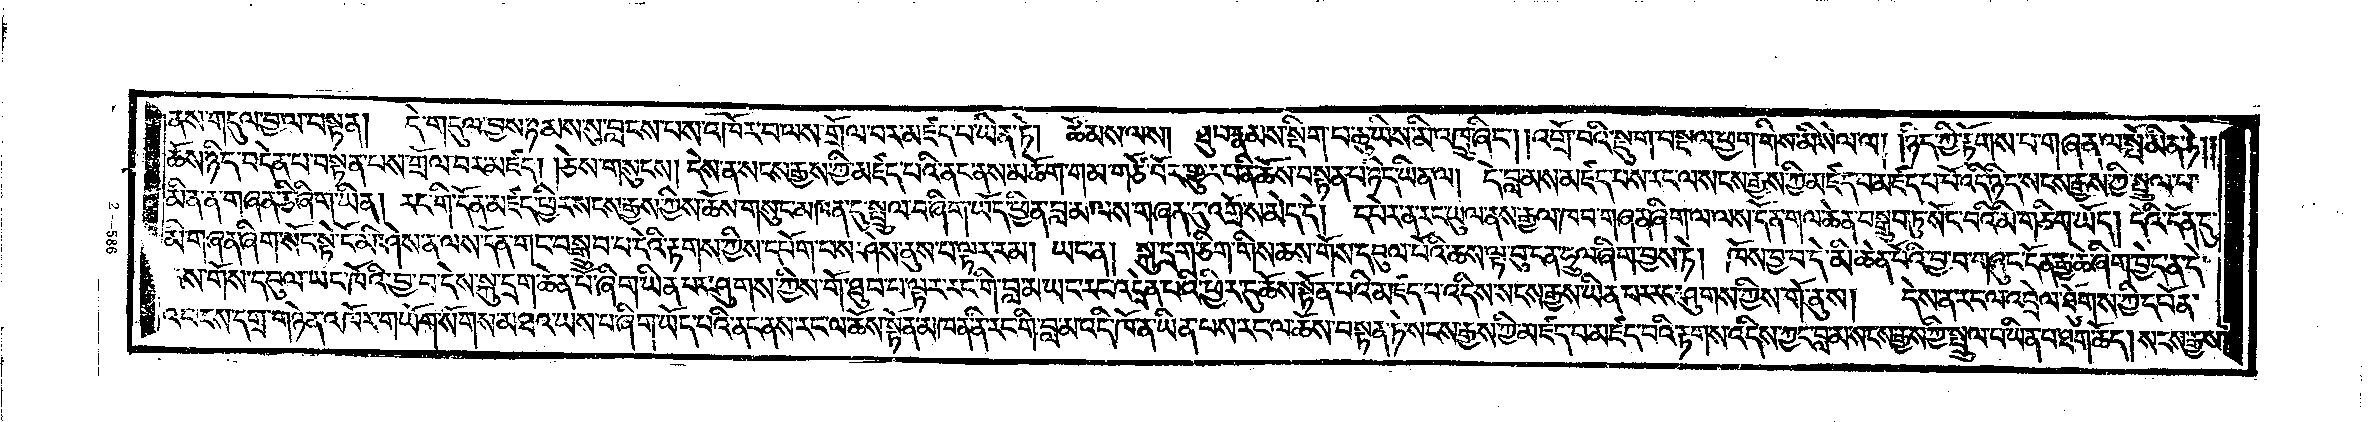ནས་གདུལ་བྱ་ལ་བསྟན། དེ་གདུལ་བྱས་ཉམས་སུ་བླངས་པས་འཁོར་བ་ལས་གྲོལ་བར་མཛད་པ་ཡིན་ཏེ། ཚོམས་ལས། ཐུག་རྣམས་སྡིག་པ་ཆུ་ཡིས་མི་འཁྲུ་ཞིང་། །འགྲོ་བའི་སྡུག་བསྔལ་ཕྱག་གིས་མི་སེལ་ལ། །ཉིད་ཀྱི་རྟོགས་པ་གཞན་ལ་སྤོ་མིན་ཏེ།།
ཆོས་ཉིད་བདེན་པ་བསྟན་པས་གྲོལ་བར་མཛད། །ཅེས་གསུངས། དེས་ན་སངས་རྒྱས་ཀྱི་མཛད་པའི་ནང་ནས་མཆོག་གམ་གཙོ་བོར་གྱུར་པ་ནི་ཆོས་བསྟན་པ་ཉིད་ཡིན་ལ། དེ་བླ་མས་མཛད་པས་རང་ལ་སངས་རྒྱས་ཀྱི་མཛད་པ་མཛད་པ་པོ་འདི་ཉིད་སངས་རྒྱས་ཀྱི་སྤྲུལ་པ་
མིན་ན་གཞན་ཅི་ཞིག་ཡིན། རང་གི་དོན་མཛད་ཕྱིར་སངས་རྒྱས་ཀྱིས་ཆོས་གསུང་མཁན་དུ་སྤྲུལ་བ་ཞིག་ཡོད་ཕྱིན་བླ་མ་ལས་གཞན་དུ་འགྲོས་མེད་དེ། དཔེར་ན་རང་ཡུལ་ནས་རྒྱལ་ཁབ་གཞན་ཞིག་ལ་ལས་དོན་གལ་ཆེན་བསྒྲུབ་ཏུ་སོང་བའི་མི་གཅིག་ཡོད། དེའི་དོན་དུ་
མི་གཞན་ཞིག་སོང་སྟེ་ངོ་མི་ཤེས་ན་ལས་དོན་གང་བསྒྲུབ་པ་དེའི་རྟགས་ཀྱིས་དཔོག་པས་ཤེས་ནུས་པ་ལྟར་རམ། ཡང་ན། སྐུ་དྲག་ཅིག་གིས་ཆས་གོས་དབུལ་པོའི་ཆས་ལྟ་བུ་ངན་ཧྲུལ་ཞིག་བྱས་ཏེ། ཁོས་བྱ་བ་དེ་མི་ཆེན་པོའི་བྱ་བ་གཞུང་དོན་རྒྱ་ཆེ་ཞིག་བྱེད་ན་དེ་
ཆས་གོས་དབུལ་ཡང་ཁོའི་བྱ་བ་དེས་སྐུ་དྲག་ཆེན་པོ་ཞིག་ཡིན་པར་ཤུགས་ཀྱིས་གོ་ཐུབ་པ་ལྟར་རང་གི་བླ་མ་ཡང་རང་འདྲེན་པའི་ཕྱིར་དུ་ཆོས་སྟོན་པའི་མཛད་པ་འདིས་སངས་རྒྱས་ཡིན་པར་རང་ཤུག་སྐྱིས་གོ་ནུས། དེས་ན་རང་ལ་འབྲེལ་ཐོགས་ཀྱི་དཔོན་
འབངས་དགྲ་གཉེན་འཁོར་གཡོག་སོགས་མཐའ་ཡས་པ་ཞིག་ཡོད་པའི་ནང་ནས་རང་ལ་ཆོས་སྟོན་མཁན་ནི་རང་གི་བླ་མ་འདི་ཁོ་ན་ཡིན་པས་རང་ལ་ཆོས་བསྟན་ཏེ་སངས་རྒྱས་ཀྱི་མཛད་པ་མཛད་པའི་རྟགས་འདིས་ཀྱང་བླ་མ་སངས་རྒྱས་ཀྱི་སྤྲུལ་པ་ཡིན་པ་ཐག་ཆོད། སངས་རྒྱས་